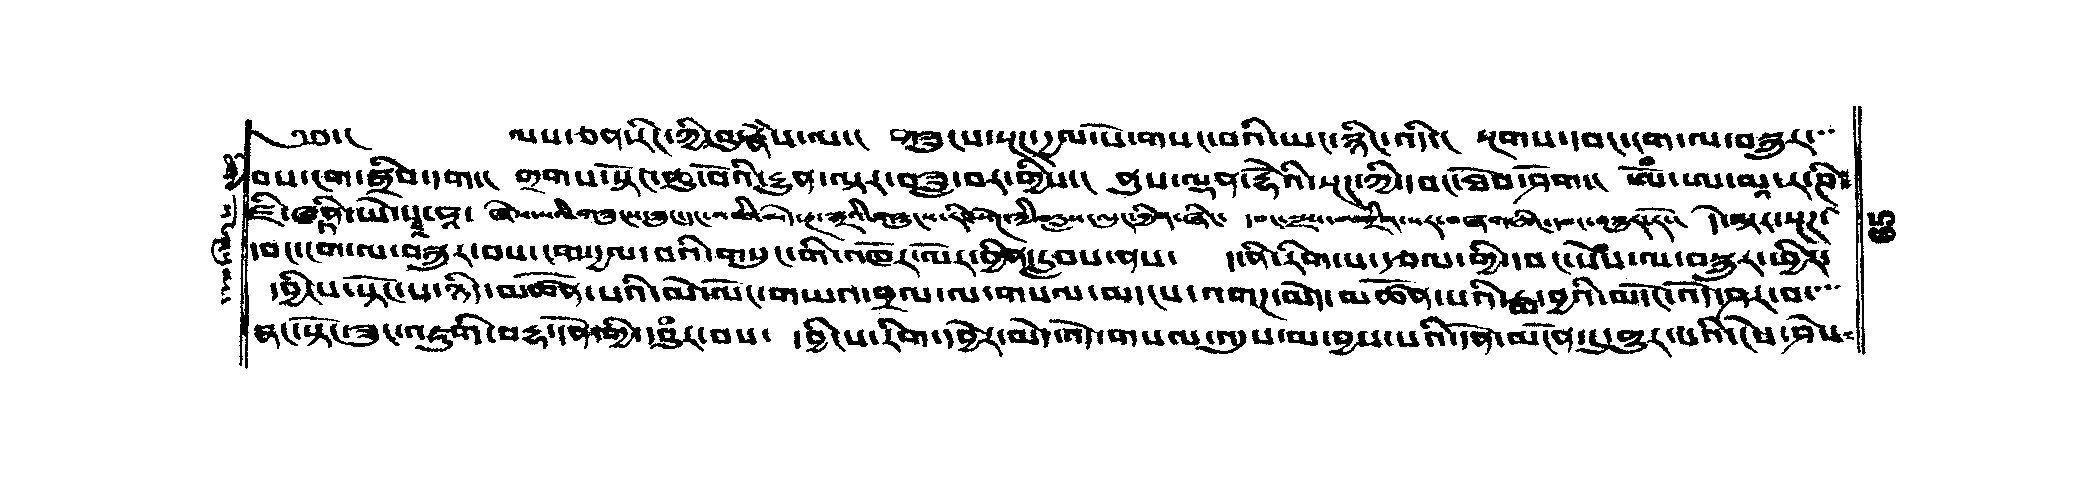ལས་ཅན་རིགས་ཀྱི་བུ་རྣམས་ལ། གཟུངས་སྔགས་རྒྱལ་པོ་གསང་བའི་ཡང་སྙིང་འདི། སྔགས་དབང་ངག་ལ་བསྐུར་
བས་ངག་སྒྲིབ་དག གྲགས་སྟོག་ཆུ་བོའི་རྒྱུན་ལྟར་བཟླ་བར་གྱིས། ནུས་ལྡན་རྡོ་རྗེའི་སྔགས་ཀྱི་དབང་ཐོབ་ཤོག ཨོཾ་ཨ་མཱ་ར་ཎི་
ཛི་ཝནྟི་ཡེ་སྭཱ་ཧ། ཞེས་པའི་གཟུངས་ཐུང་དང་འཆི་མེད་རྔ་སྒྲའི་གཟུངས་རི་སོགས་ཀྱི་བཟླས་ལུང་བྱིན་ཞིང་། དབང་རྫས་མགྲིན་པར་བཞག་ཅིང་དབང་བསྐུར་རོ། དེ་ལྟར་སྔགས་
དབང་ངག་ལ་བསྐུར་བས་ངག་རྻགལ་བའི་གསུང་གི་འཁོར་ལོར་བྱིན་རླབས་ནས། ད་ནི་རིག་པ་རྩལ་གྱི་དབང་སེམས་ལ་བསྐུར་ཕྱིར་
དབྱིངས་སྟོང་པ་ཉིད་མཚོན་པའི་མེ་ལོང་གཡའ་བྲལ་ལ་གསལ་མདངས་འགགས་མེད་མཚོན་པའི་རྨ་བྱའི་མདོང་འོད་ཤར་བ་
སྣང་སྟོང་ཟུང་འཇུག་གི་བརྡ་དོན་གྱི་དབང་བསྐུར་བས། དབྱིངས་རིག་དབྱེར་མེད་འོད་གསལ་འདུས་མ་བྱས་པའི་དོན་མངོན་དུ་གྱུར་པའི་ངེས་ཤེས་